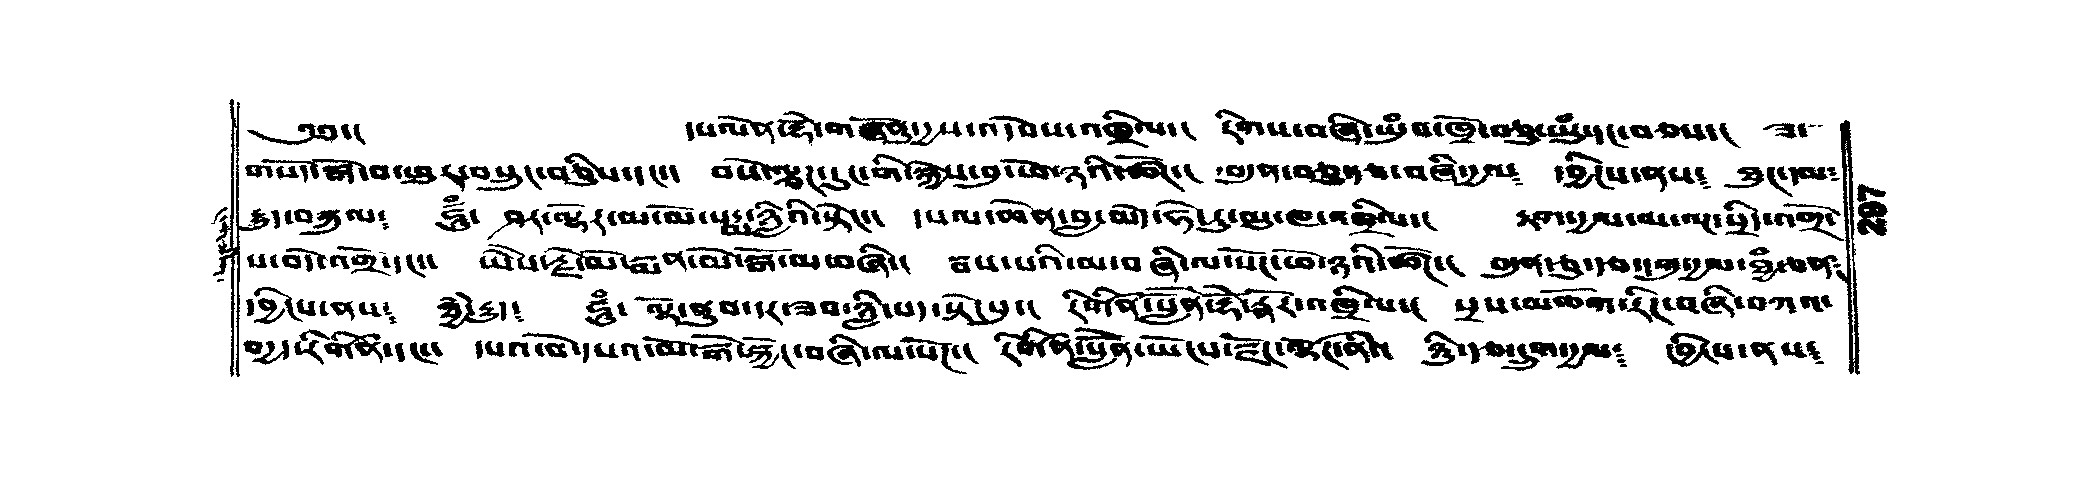དཔལ་ལེན་རྡོ་རྗེ་གཞོན་ནུ་རྒྱས་འདེབས་འཁྲིལ། །རིགས་བཞི་ཡབ་ཡུམཁྲོ་བཅུ་ཡུམ་དང་བཅས། །ཟ་
གསོད་སྒོ་བ་ཕུར་བསྲུང་བཅུ་གཉིས་དང་། །བསེ་ལྕགས་དུང་གི་སྐྱེས་བུ་ཕོ་ཉའི་ཚོགས། །བདུན་ཅུ་རྩ་བཞི་རྒྱལ་༴ དབྱིངས་ནས་༴ ཐུགས་དམ་
རྒྱུད་བསྐུལ་༴ ཧཱུྃ། ཤར་ལྷོར་མ་མོ་པདྨ་ཉི་ཟླའི་སྟེང་། །དཔལ་ཆེན་བླ་མེད་ཧེ་རུ་མུ་ཁ་འཁྲིལ། །རྟག་རྒྱལ་མ་ལྔ་སྲིད་འགྲོ་
ས་བདེ་འགྲོ་དང་། ཡེ་ཤེས་རྗེ་མོ་སྨན་མོ་སྒོ་མ་བཞི། །སྦས་པའི་མ་བཞི་ལ་སོགས་ཕོ་ཉའི་ཚོགས། །བདུན་ཅུ་རྩ་དགུ་དབང་ཐུགས་དམ་ཅན། །
དབྱིངས་ནས་༴ ཐུགས་དམ་རྒྱུད་༴ ཧཱུྃ། ལྷོ་ནུབ་དར་ཟབ་ཉི་ཟླ་པད་སྟེང་དུ། །རིག་འཛིན་སློབ་དཔོན་རྡོ་རྗེ་རྣལ་འབྱོར་འཁྲིལ། །སྲས་མཆོག་རིགས་བཞི་བཀའ་
བརྒྱད་རིག་འཛིན་དང་། །དཔའ་བོ་དཔའ་མོ་སྒོ་སྐྱོང་བཞི་ལ་སོགས། །རིག་འཛིན་སློབ་དཔོན་ཡོངས་རྫོགས་ལྷ་ཚོགས་ནི། །ཉི་ཤུ་རྩ་དྲུག་རྒྱལ་༴ དབྱིངས་ནས་༴